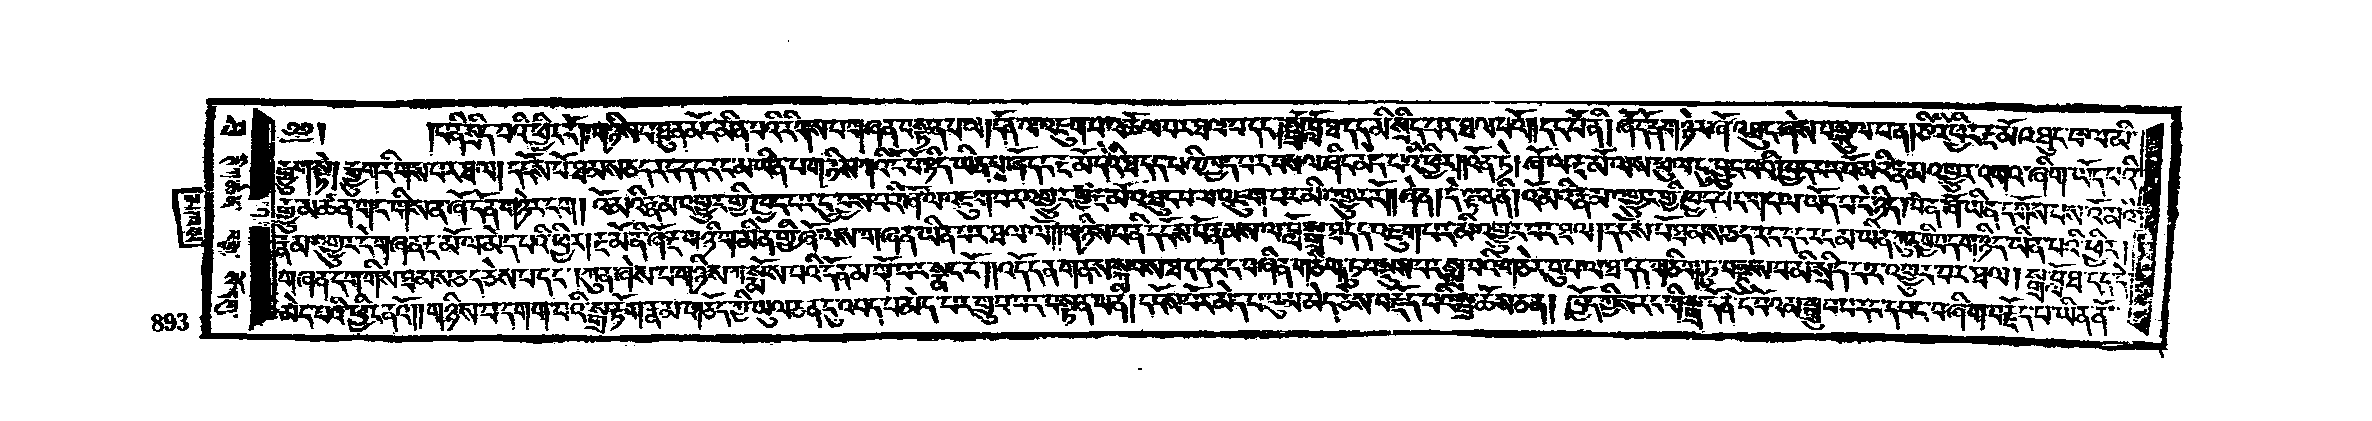༄༅། །པ་ནི་སྲིད་པའི་ཕྱིར་རོ། །གཉིས་པ་ཐུན་མོང་མིན་པའི་རིགས་པ་གཞན་བསྟན་པ་ལ། དོན་ལ་འཇུག་པ་འཆོལ་བར་ཐལ་བ་དང་། སྒྲོ་བློ་ཐ་དད་མི་སྲིད་པར་ཐལ་པའོ། །དང་པོ་ནི། ཞོ་དོན་གཉེར་ཞོ་འཐུང་ཞེས་བསྐུལ་པ་ན། ཅིའི་ཕྱིར་རྔ་མོ་འཐུང་བ་ལ་མི་
རྒྱུག་སྟེ། རྒྱུག་རིགས་པར་ཐལ། དངོས་པོ་ཐམས་ཅད་རང་དང་རང་མ་ཡིན་པ་གཉིས་ཀའི་ངོ་བོ་ཉིད་ཡིན་པ་ཞོ་དང་རྔ་མོའི་དེའི་ཐ་དད་པའི་ཁྱད་པར་བསལ་ཞིང་མེད་པའི་ཕྱིར། །འོན་ཏེ། ཞོ་ལ་རྔ་མོ་ལས་ཕུལ་དུ་བྱུང་བའི་ཁྱད་པར་འོ་མའི་རྣམ་འགྱུར་འགའ་ཞིག་ཡོད་པའི་
རྒྱུ་མཚན་གང་གིས་ན་ཞོ་དོན་གཉེར་དག། འོ་མའི་རྣམ་འགྱུར་གྱི་ཁྱད་པར་དུ་བྱས་པའོ་ཞོ་ལ་འཇུག་པར་འགྱུར་གྱི་རྔ་མོ་འཐུང་བ་ལ་འཇུག་པར་མི་འགྱུར་རོ། །ཞེ་ན། དེ་ལྟ་ན་ནི། འོ་མའི་རྣམ་འགྱུར་གྱི་ཁྱད་པར་གང་ལ་ཡོད་པ་དེ་ཉིད་ཁོ་ན་ཞོ་ཡིན་དགོས་པས་འོ་མའི་
རྣམ་འགྱུར་དེ་གཞན་རྔ་མོ་ལ་མེད་པའི་ཕྱིར། རྔ་མོ་ནི་ཞོ་རྔ་གཉི་ག་མིན་གྱི་ཞོ་ལས་གཞན་ཡིན་པར་ཐལ་ལོ། །གཉིས་པ་ནི་དངོས་པོ་རྣམས་ལ་བློ་སྒྲ་ཐ་དད་འཇུག་པར་མི་འགྱུར་བར་ཐལ། དངོས་པོ་ཐམས་ཅད་རང་དང་རང་མ་ཡིན་ཀུན་གྱི་བདག་ཉིད་ཡིན་པའི་ཕྱིར།
གཞན་དག་གིས་ཐམས་ཅད་ཅེས་པ་དང་། ཀུན་ཞེས་པ་གཉིས་ཀ་སྨོས་པའི་དོན་མ་གོ་བར་སྣང་ངོ། །འདོད་ན་གནས་སྐབས་ཐ་དད་རང་བཞིན་གཅིག་ཏུ་བསྡུས་པར་སྨྲ་བའི་གཅེར་བུ་པ་ལ་ཐ་དད་གཅིག་ཏུ་བསྡུས་པ་མི་སྲིད་པར་འགྱུར་བར་ཐལ། སྒྲ་བློ་ཐ་དད་དེ་
མེད་པའི་ཕྱིར་ནོའོ། །གཉིས་པ་དགག་པའི་སྒྲ་རྟོག་རྣམ་གཅོད་ཀྱི་ཡུལ་ཅན་དུ་འབད་པ་མེད་པར་གྲུབ་པར་བསྟན་པ་ནི། དངོས་པོར་མེད་པ་བུམ་མེད་ཅེས་བརྗོད་པའི་སྒྲ་ཆོས་ཅན། ཁྱོད་ཀྱི་རང་གི་སྒྲ་དོན་ངོ་བོའམ་སྒྲུབ་པ་རང་དབང་བ་ཞིག་བརྗོད་པ་ཡིན་ནོ་